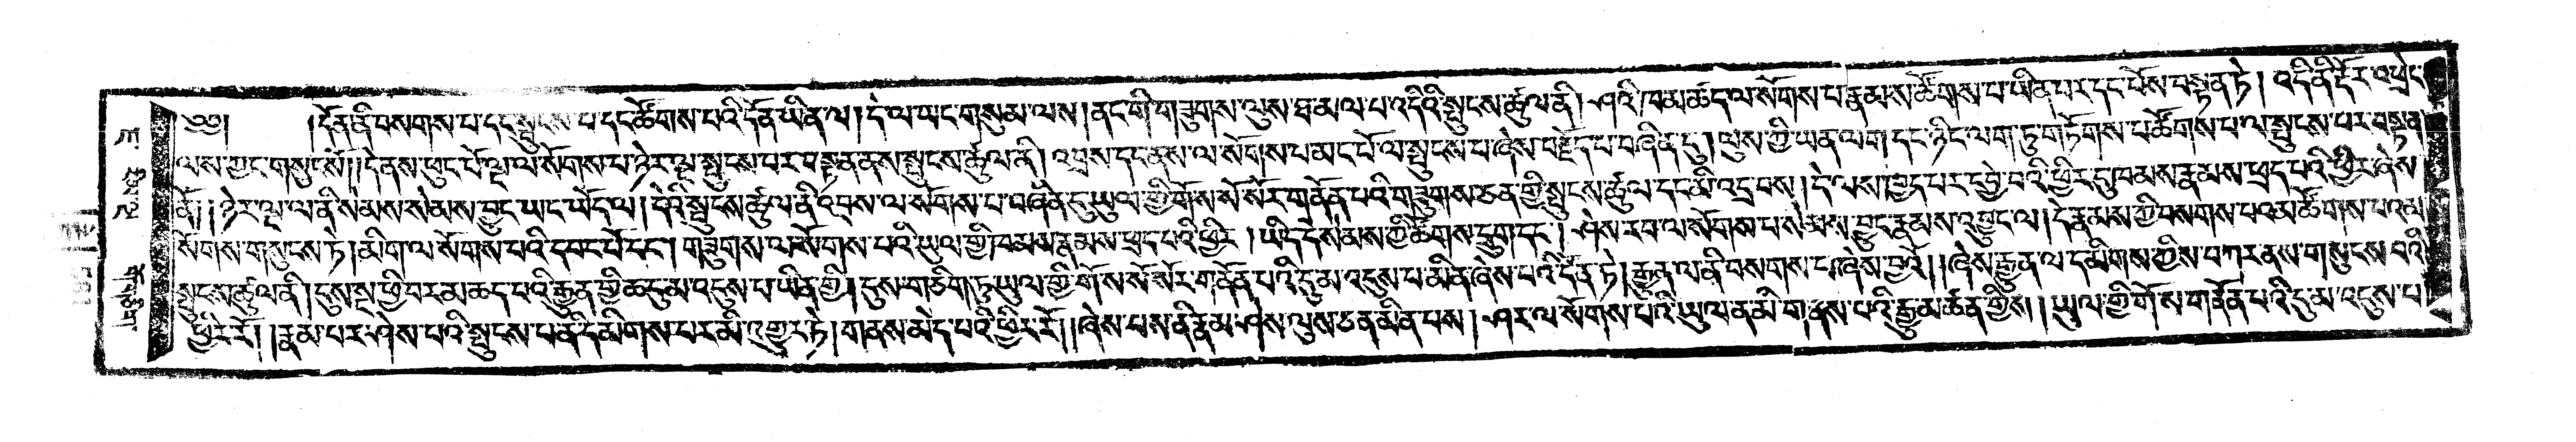༄༅། །དོན་ནི་བསགས་པ་དང་སྦུངས་པ་དང་ཚོགས་པའི་དོན་ཡིན་ལ། དེ་ལ་ཡང་གསུམ་ལས། ནང་གི་གཟུགས་ལུས་ཐ་མལ་པ་འདིའི་སྤུངས་ཚུལ་ནི། ཤའི་ཁམ་ཚད་ལ་སོགས་པ་རྣམས་ཚོགས་པ་ཡིན་པར་དང་པོས་བསྟན་ཏེ། འདི་ནི་རྡོར་འཕྲེང་
ལས་ཀྱང་གསུངས་སོ། །དེ་ནས་ཕུང་པོ་ལྔ་ལ་སོགས་པ་ཉེར་ལྔ་སྤུངས་པར་བསྟན་ནས་སྤུངས་ཚུལ་ནི། འབྲས་དང་ནས་ལ་སོགས་པ་མང་པོ་ལ་སྤུངས་པ་ཞེས་བརྗོད་པ་བཞིན་དུ། ལུས་ཀྱི་ཡན་ལག་དང་ཉིང་ལག་ཏུ་གཏོགས་པ་ཚོགས་པ་ལ་སྤུངས་པར་བསྟན་
ནོ། །ཉེར་ལྔ་ལ་ནི་སེམས་སེམས་བྱུང་ཡང་ཡོད་ལ། དེའི་སྤུངས་ཚུལ་ནི་འབྲས་ལ་སོགས་པ་བཞིན་དུ་ཡུལ་གྱི་གོ་ས་སོ་སོར་གནོན་པའི་གཟུགས་ཅན་གྱི་སྤུངས་ཚུལ་དང་མི་འདྲ་བས། དེ་ལས་ཁྱད་པར་དབྱེ་བའི་ཕྱིར་དུ་ཁམས་རྣམས་ཕྲད་པའི་ཕྱིར་ཞེས་
སོགས་གསུངས་ཏེ། མིག་ལ་སོགས་པའི་དབང་པོ་དང་། གཟུགས་ལ་སོགས་པའི་ཡུལ་གྱི་ཁམས་རྣམས་ཕྲད་པའི་ཕྱིར། ཡིད་དེ་སེམས་ཀྱི་ཚོགས་དྲུག་དང་། ཤེས་རབ་ལ་སོགས་པ་སེམས་བྱུང་རྣམས་འབྱུང་ལ། དེ་རྣམས་ཀྱི་བསགས་པའམ་ཚོགས་པའམ་
སྤུངས་ཚུལ་ནི། དུས་སྔ་ཕྱི་བར་མཆད་པའི་རྒྱུན་གྱི་ཆ་དུ་མ་འདུས་པ་ཡིན་གྱི། དུས་གཅིག་ཏུ་ཡུལ་གྱི་གོ་ས་སོ་སོར་གནོན་པའི་དུ་མ་འདུས་པ་མིན་ཞེས་པའི་དོན་ཏེ། རྒྱུན་ལ་ནི་བསགས་པ་ཞེས་བྱའོ། །ཞེས་རྒྱུན་ལ་དམིགས་ཀྱིས་བཀར་ནས་གསུངས་པའི་
ཕྱིར་རོ། །རྣམ་པར་ཤེས་པའི་སྤུངས་པ་ནི་དམིགས་པར་མི་འགྱུར་ཏེ། གནས་མེད་པའི་ཕྱིར་རོ། །ཞེས་པས་ནི་རྣམ་ཤེས་ལུས་ཅན་མིན་པས། ཤར་ལ་སོགས་པའི་ཡུལ་ན་མི་གནས་པའི་རྒྱུ་མཚན་གྱིས། ཡུལ་གྱི་གོ་ས་གནོན་པའི་དུ་མ་འདུས་པ་